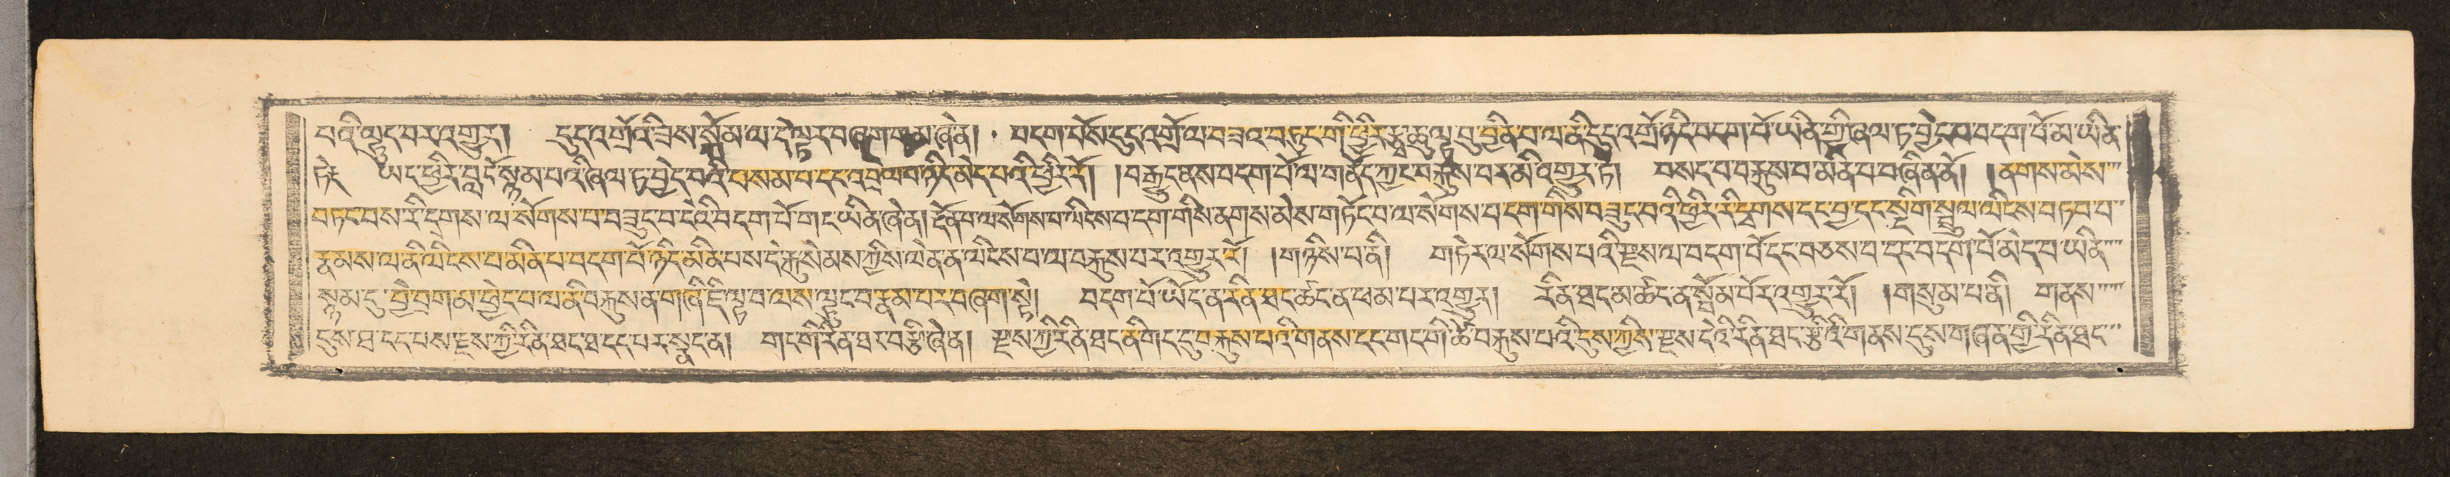པའི་ལྟུང་བར་འགྱུར། དུད་འགྲོའི་ཟས་སྐོམ་ལ་དེ་ལྟར་བཞག་གམ་ཞེ་ན། བདག་པོས་ངུད་འགྲོ་ལ་བཟའ་བཏུང་གི་ཕྱིར་རྩྭ་ཆུ་ལྟ་བུ་བྱིན་པ་ལ་ནི་དུད་འགྲོ་ཉིད་བདག་པོ་ཡིན་གྱི་ཞལ་ཏ་བྱེད་པ་བདག་པོ་མ་ཡིན་
ཏེ༑ ཡང་ཕྱིར་བློང་སྙམ་པའི་ཞལ་ཏ་བྱེད་པའི་བསམ་པ་དང་འབྲེལ་པ་ཉིད་མེད་པའི་ཕྱིར་རོ། །བརྒྱུད་ནས་བདག་པོ་ལ་གནོད་ཀྱང་བརྐུས་པར་མི་འགྱུར་ཏེ། བསད་པ་བརྐུས་པ་མིན་པ་བཞིན་ནོ། །ནགས་མེས་
བཏང་བས་རི་དྭགས་ལ་སོགས་པ་བཟུང་བ་དེའི་བདག་པོ་གང་ཡིན་ཞེ་ན། རྔོན་པ་ལ་སོགས་པ་ལིངས་པ་དག་གིས་ནགས་མེས་གཏོང་བ་ལ་སོགས་པ་དག་གིས་བཟུང་བའི་ཕྱིར་རི་དྭགས་དང་བྱ་དང་སྡིག་སྦྲུལ་ལིངས་བཏབ་པ་
རྣམས་ལ་ནི་ལིངས་པ་མིན་པ་བདག་པོ་ཉིད་མིན་པས་དེ་རྐུ་སེམས་ཀྱིས་ལེན་ན་ལིངས་པ་ལ་བརྐུས་པར་འགྱུར་རོ། །གཉིས་པ་ནི། གཏེར་ལ་སོགས་པའི་རྫས་ལ་བདག་པོ་དང་བཅས་པ་དང་བདག་པོ་མེད་པ་ཡིན་
སྙམ་དུ་བྱེ་བྲག་མ་ཕྱེད་པ་ལ་ནི་བརྐུས་ན་གཞི་ཇི་ལྟ་བ་ལས་ལྟུང་བ་རྣམ་པར་བཞག་སྟེ། བདག་པོ་ཡོད་ན་རིན་ཐང་ཚང་ན་ཕམ་པར་འགྱུར། རིན་ཐང་མ་ཚད་ན་སྦོམ་པོར་འགྱུར་རོ། །གསུམ་པ་ནི། གནས་
དུས་ཐ་དད་པས་རྫས་ཀྱི་རིན་ཐང་ཐ་དད་པར་སྣང་ན། གང་གི་རིན་ཐང་བརྩི་ཞེ་ན། རྫས་ཀྱི་རིན་ཐང་ནི་གང་དུ་བརྐུས་པའི་གནས་དང་གང་གི་ཚེ་བརྐུས་པའི་དུས་ཀྱིས་རྫས་དེའི་རིན་ཊྠང་རྩིའི་གནས་དུས་གཞན་གྱི་རིན་ཐང་